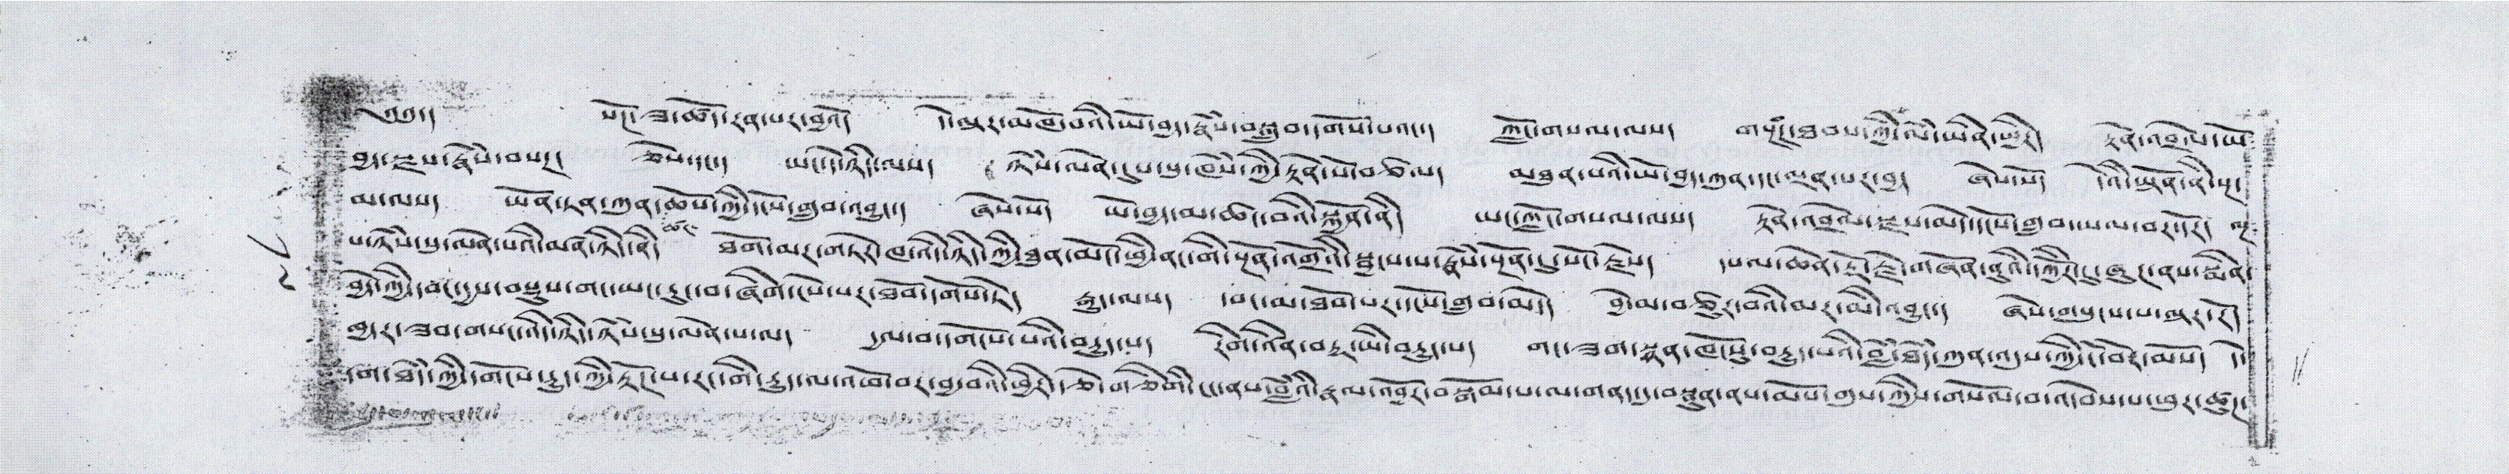སོགས་ཟ་ཚོད་རན་པར་བྱའོ། །དེ་ལྟར་མཁོ་བའི་ཡོ་བྱད་རྣམས་བསྒྲུབ་དགོས་པ་དང་། ཀློང་གསལ་ལས། གསང་སྔགས་ཐབས་ཀྱི་ལམ་ཡིན་ཕྱིར། །རྟེན་འབྲེལ་ཡོ་
བྱད་རྫས་རྣམས་བསགས། །ཅེས་དང་། ཡང་དེ་ཉིད་ལས། ཉམས་ལེན་དུས་སུ་ཁམས་ཀྱི་རྟོན་པོ་བཙལ། །མཐུན་པའི་ཡོ་བྱད་ཀུན་དང་ལྡན་པར་བྱ། །དེའི་ཡོན་ཏན་ནི་སྔ་
མ་ལས། ཡོན་ཏན་ཀུན་ཚང་ཆོས་ཀྱི་དངོས་གྲུབ་འབྱུང་། །ཞེས་སོ། ཡོ་བྱད་མ་ཚང་བའི་སྐྱོན་ནི། ཡང་ཀློང་གསལ་ལས། རྟེན་འབྲེལ་རྫས་མེད་དངོས་གྲུབ་ཡལ་བར་དོར། །ལྔ་
པ་ཉམས་སུ་ལེན་པའི་མཚན་ཉིད་ནི། ཐོག་མར་གཏེར་ཁ་འདི་ཉིད་ཀྱི་ཐུན་མོང་ཕྱི་ནང་གི་སྔོན་འགྲོའི་སྦྱངས་པ་རྣམས་སྔོན་དུ་སོང་རྗེས། དཔལ་ཆེན་རྡོ་རྗེ་གཞོན་ནུའི་དཀྱིལ་འཁོར་དུ་ཞུགས་ནས་སྨིན་
བྱེད་ཀྱི་དབང་རྒྱས་བསྡུས་གང་ཡང་རུང་བ་ཞིག་ངེས་པར་ཐོབ་དགོས་ཏེ། དབང་མ་ཐོབ་པར་དངོས་གྲུབ་མེད། བྱེ་མ་བཙིར་བས་མར་མི་འབྱུང་། །ཞེས་གསུངས་པ་ལྟར་རོ། །
ཁྱད་པར་ཟབ་གསང་འདི་ཉིད་ཉམས་སུ་ལེན་པ་ལ། རྒྱལ་བ་དགོངས་པའི་བརྒྱུད་པ། རིག་འཛིན་བརྡ་ཡི་བརྒྱུད་པ། གང་ཟག་སྙན་ཁུངས་སུ་བརྒྱུད་པའི་བླ་མ་ཐམས་ཅད་ཀུན་འདུས་ཀྱི་ངོ་བོར་མོས། དེ་
དག་ཐམས་ཅད་ཀྱི་དགོངས་བརྒྱུད་ཀྱི་རྟོགས་པ་རང་གི་རྒྱུད་ལ་འཕོ་བར་བྱ་བའི་ཕྱིར། རྩེ་གཅིག་གི་ངང་ནས་བླ་མའི་རྣལ་འབྱོར་བསྒོམ་པ་ལ་གནད་དུ་བསྣུན་ནས་མོས་གུས་ཀྱིས་གསོལ་བ་འདེབས་པ་ཕུར་ཚུགས་